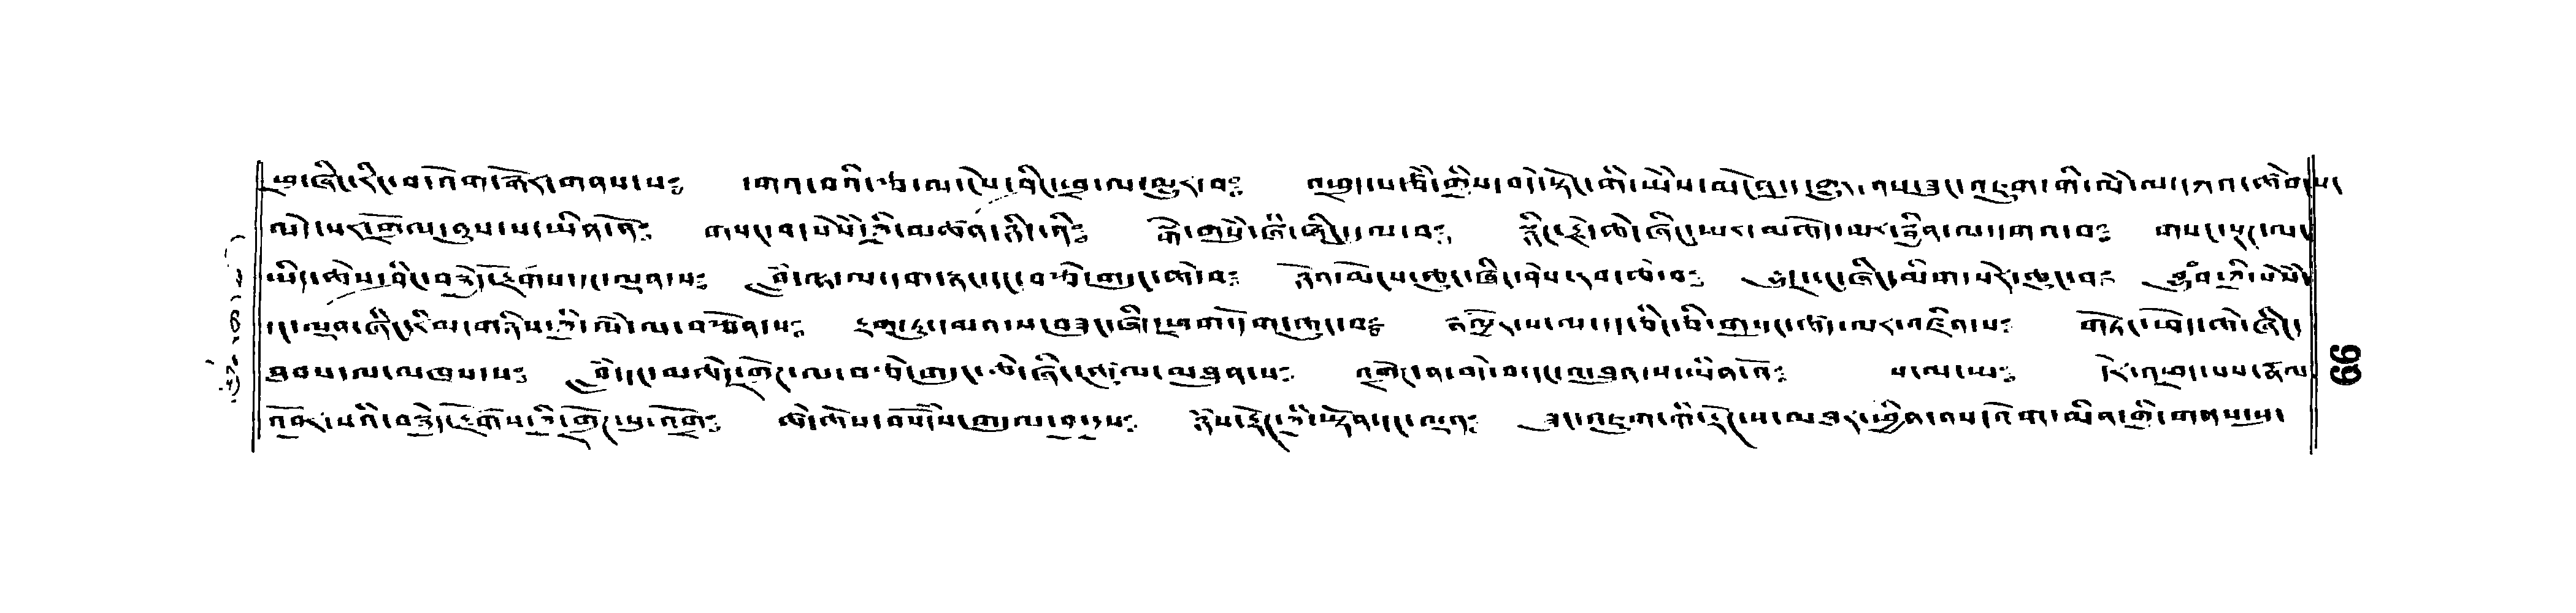ཕྲ་ཞིང་རིང་བ་འོག་སྒོར་གནས་པ༔ དགའ་བའི་རྩ་ལ་ངེས་ཤིང་ཕྲ་ལ་མྱུར་བ༔ འཕྲད་པ་ཙམ་གྱིས་བདེ་སྟེང་གི་ཡེ་ཤེས་མངོན་དུ་གྱུར་ནས་ཟུང་འཇུག་གི་ལམ་ལ་དཀའ་ཚེགས་
མེད་པར་གྲོལ་ནུས་པ་ཡིན་ནོ༔ གསང་བ་སེམས་ཀྱི་མཚན་ཉིད་ནི༔ སྒོ་གསུམ་ཞི་ཞིང་དུལ་བ༔ སྙིང་རྗེ་ཆེ་ཞིང་ཡར་མཆོད་མར་སྦྱིན་ལ་དགའ་བ༔ གསང་སྔགས་ལ་
ཡིད་ཆེས་ཤིང་བསྐྱེད་རྫོགས་དང་ལྡན་པ༔ བླ་མ་ལྷ་ལ་དག་སྣང་དང་བརྩེ་གདུང་ཆེ་བ༔ ཉོན་མོངས་ཆུང་ཞིང་ཤེས་རབ་ཆེ་བ༔ རྒྱུད་དྲང་ཞིང་མིག་སེར་ཆུང་བ༔ བྱང་ཆུབ་ཀྱི་སེམས་
དང་ལྡན་ཞིང་རིམ་གཉིས་ཀྱི་ལམ་ལ་བརྩོན་པ༔ རྟག་ཏུ་དམན་ས་བཟུང་ཞིང་ཕྲག་དོག་ཆུང་བ༔ རྣལ་འབྱོར་པ་ལ་དད་ཅིང་ཅི་གསུང་ཚད་མར་འཛིན་པ༔ གཏོང་ཕོད་ཆེ་ཞིང་
ཐབས་ལ་མཁས་པ༔ བླ་མ་དང་མཆེད་གྲོགས་ལ་བརྩེ་གདུང་ཆེ་ཞིང་ཚུལ་དང་མཐུན་པ༔འགྲོགས་ན་བདེ་བ་དང་མཐུན་པ་ཡིན་ནོ༔ ས་མ་ཡ༔ དེར་ཕྲད་པས་རྣལ་
འབྱོར་པའི་བསྐྱེད་རྫོགས་ཀྱི་གྲོགས་སུ་འགྲོ༔ ཚེ་ཆོས་བསོད་ནམས་གདུལ་བྱ་རྒྱས༔ ཉམས་རྟོགས་ཀྱི་ཡོན་ཏན་དང་ལྡན༔ ཟུང་འཇུག་གི་རྟོགས་པ་མཐར་ཕྱིན་ནས་འོག་མིན་གྱིས་གནས་སུ་